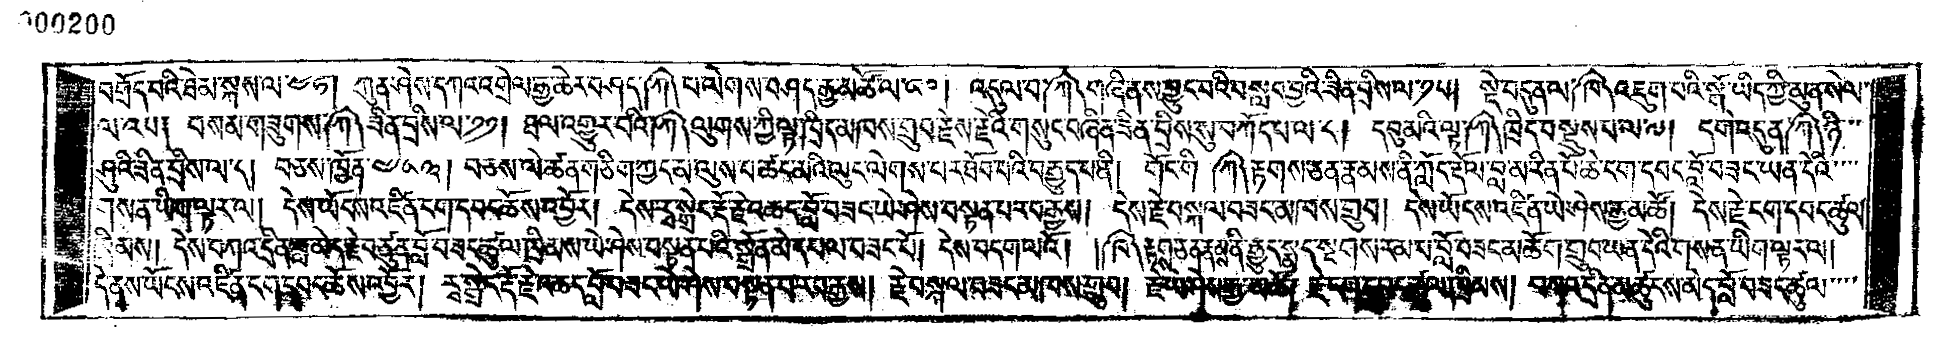གྲོད་པའི་ཐེམ་སྐས་ལ ༤༧། ཀུན་ཤེས་དཀའ་འགྲེལ་རྒྱ་ཆེར་བཤད ༼ཀ༽ བ་ལེགས་བཤད་རྒྱ་མཚོ་ལ ༦༠། འདུལ་བ ༼ཀ༽ གཞི་ནས་བྱུང་བའི་བསླབ་བྱའི་ཟིན་བྲིས་ལ ༡༥། སྡེ་བདུན་ལ ༼ཁ༽ འཇུག་པའི་སྒོ་ཡིད་ཀྱི་མུན་སེལ་
ལ ༢༥༑ བསམ་གཟུགས ༼ཀ༽ ཟིན་བྲིས་ལ ༡༡། ཐལ་འགྱུར་བའི ༼ཀ༽ ལུགས་ཀྱི་ལྷ་ཁྲིད་མཁས་གྲུབ་རྗེས་རྗེའི་གསུང་བཞིན་ཟིན་བྲིས་སུ་བཀོད་པ་ལ ༨། དབུ་མའི་ལྟ ༼ཀ༽ ཁྲིད་བསྡུས་པ་ལ ༧། དགེ་འདུན ༼ཀ༽ ཉི་
ཤུའི་ཟིན་བྲིས་ལ ༨། བཅས་ཁྱོན ༤༦༣། བཅས་ལེ་ཚན་གཅིག་ཀྱང་མ་ལུས་པ་ཚང་མའི་ལུང་ལེགས་པར་ཐོབ་པའི་བརྒྱུད་པ་ནི། གོང་གི ༼ཀ༽ རྟགས་ཅན་རྣམས་ནི་ཀློང་རྡོལ་བླ་མ་རིན་པོ་ཆེ་ངག་དབང་བློ་བཟང་ཡན་དེའི་
གསན་ཡིག་ལྟར་ལ། དེས་ཡོངས་འཛིན་ངག་དབང་ཆོས་འབྱོར། དེས་རྭ་སྒྲེང་རྡོ་རྗེ་འཆང་བློ་བཟང་ཡེ་ཤེས་བསྟན་པ་རབ་རྒྱས། དེས་རྗེ་བསྐལ་བཟང་མཁས་གྲུབ། དེས་ཡོངས་འཛིན་ཡེ་ཤེས་རྒྱ་མཚོ། དེས་རྗེ་ངག་དབང་ཚུལ་
ཁྲིམས། དེས་བཀའ་དྲིན་ཟླ་མེད་རྗེ་བཙུན་བློ་བཟང་ཚུལ་ཁྲིམས་ཡེ་ཤེས་བསྟན་པའི་སྒྲོན་མེ་དཔལ་བཟང་པོ། དེས་བདག་ལའོ། །༼ཁ༽ རྟགས་ཅན་རྣམས་ནི་རྒྱུད་སྨད་སྔགས་རམ་པ་བློ་བཟང་མཆོག་གྲུབ་ཡན་དེའི་གསན་ཡིག་ལྟར་ལ།
དེ་ནས་ཡོངས་འཛིན་ངག་དབང་ཆོས་འབྱོར། རྭ་སྒྲེང་རྡོ་རྗེ་འཆང་བློ་བཟང་ཡེ་ཤེས་བསྟན་པ་རབ་རྒྱས། རྗེ་བསྐལ་བཟང་མཁས་གྲུབ། རྗེ་ཡེ་ཤེས་རྒྱ་མཚོ། རྗེ་ངག་དབང་ཚུལ་ཁྲིམས། བཀའ་དྲིན་མཚུངས་མེད་བློ་བཟང་ཚུལ་